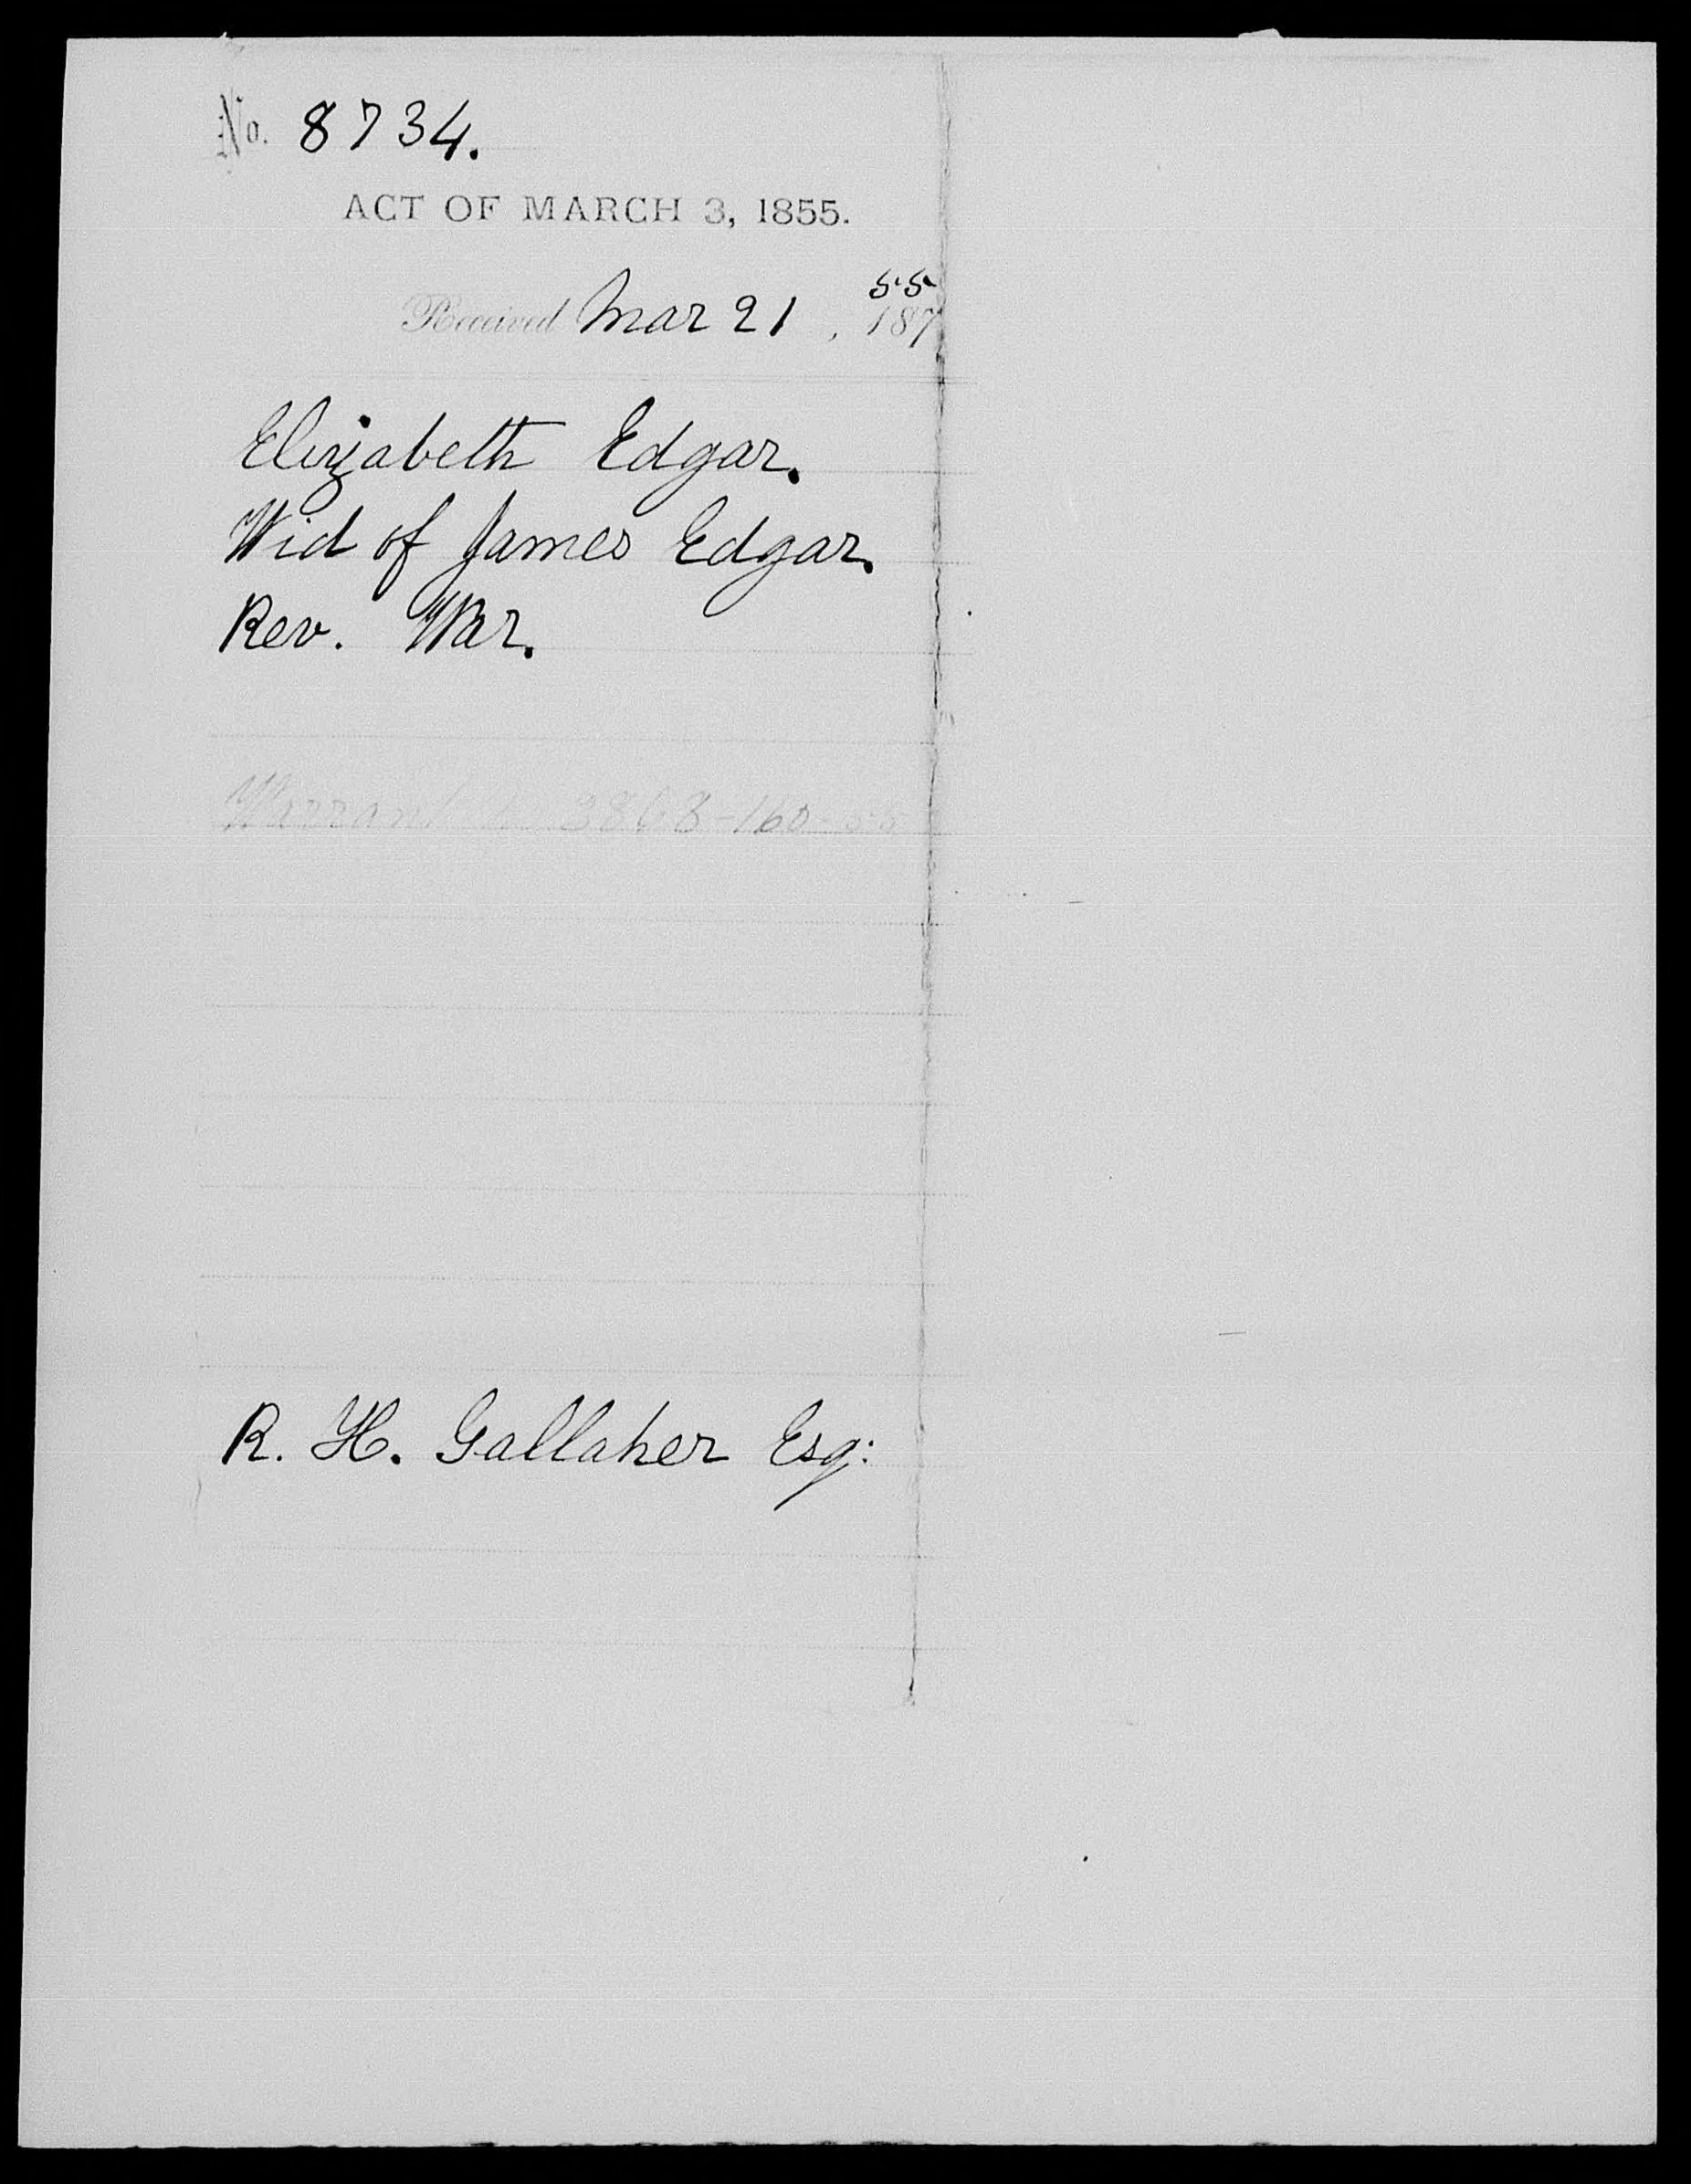No. 8734.
ACT OF MARCH 3, 1855.
SS
Received Mar 21, 187
Elizabeth Edgar
Wid of James Edgar
Rev. War
Warrant 3868-160-55

R. H. Gallaher Esq.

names: James Edgar, Elizabeth Edgar, R H Gallaher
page: 36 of 74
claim: widow's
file: W. 9422, James Edgar, Penn.